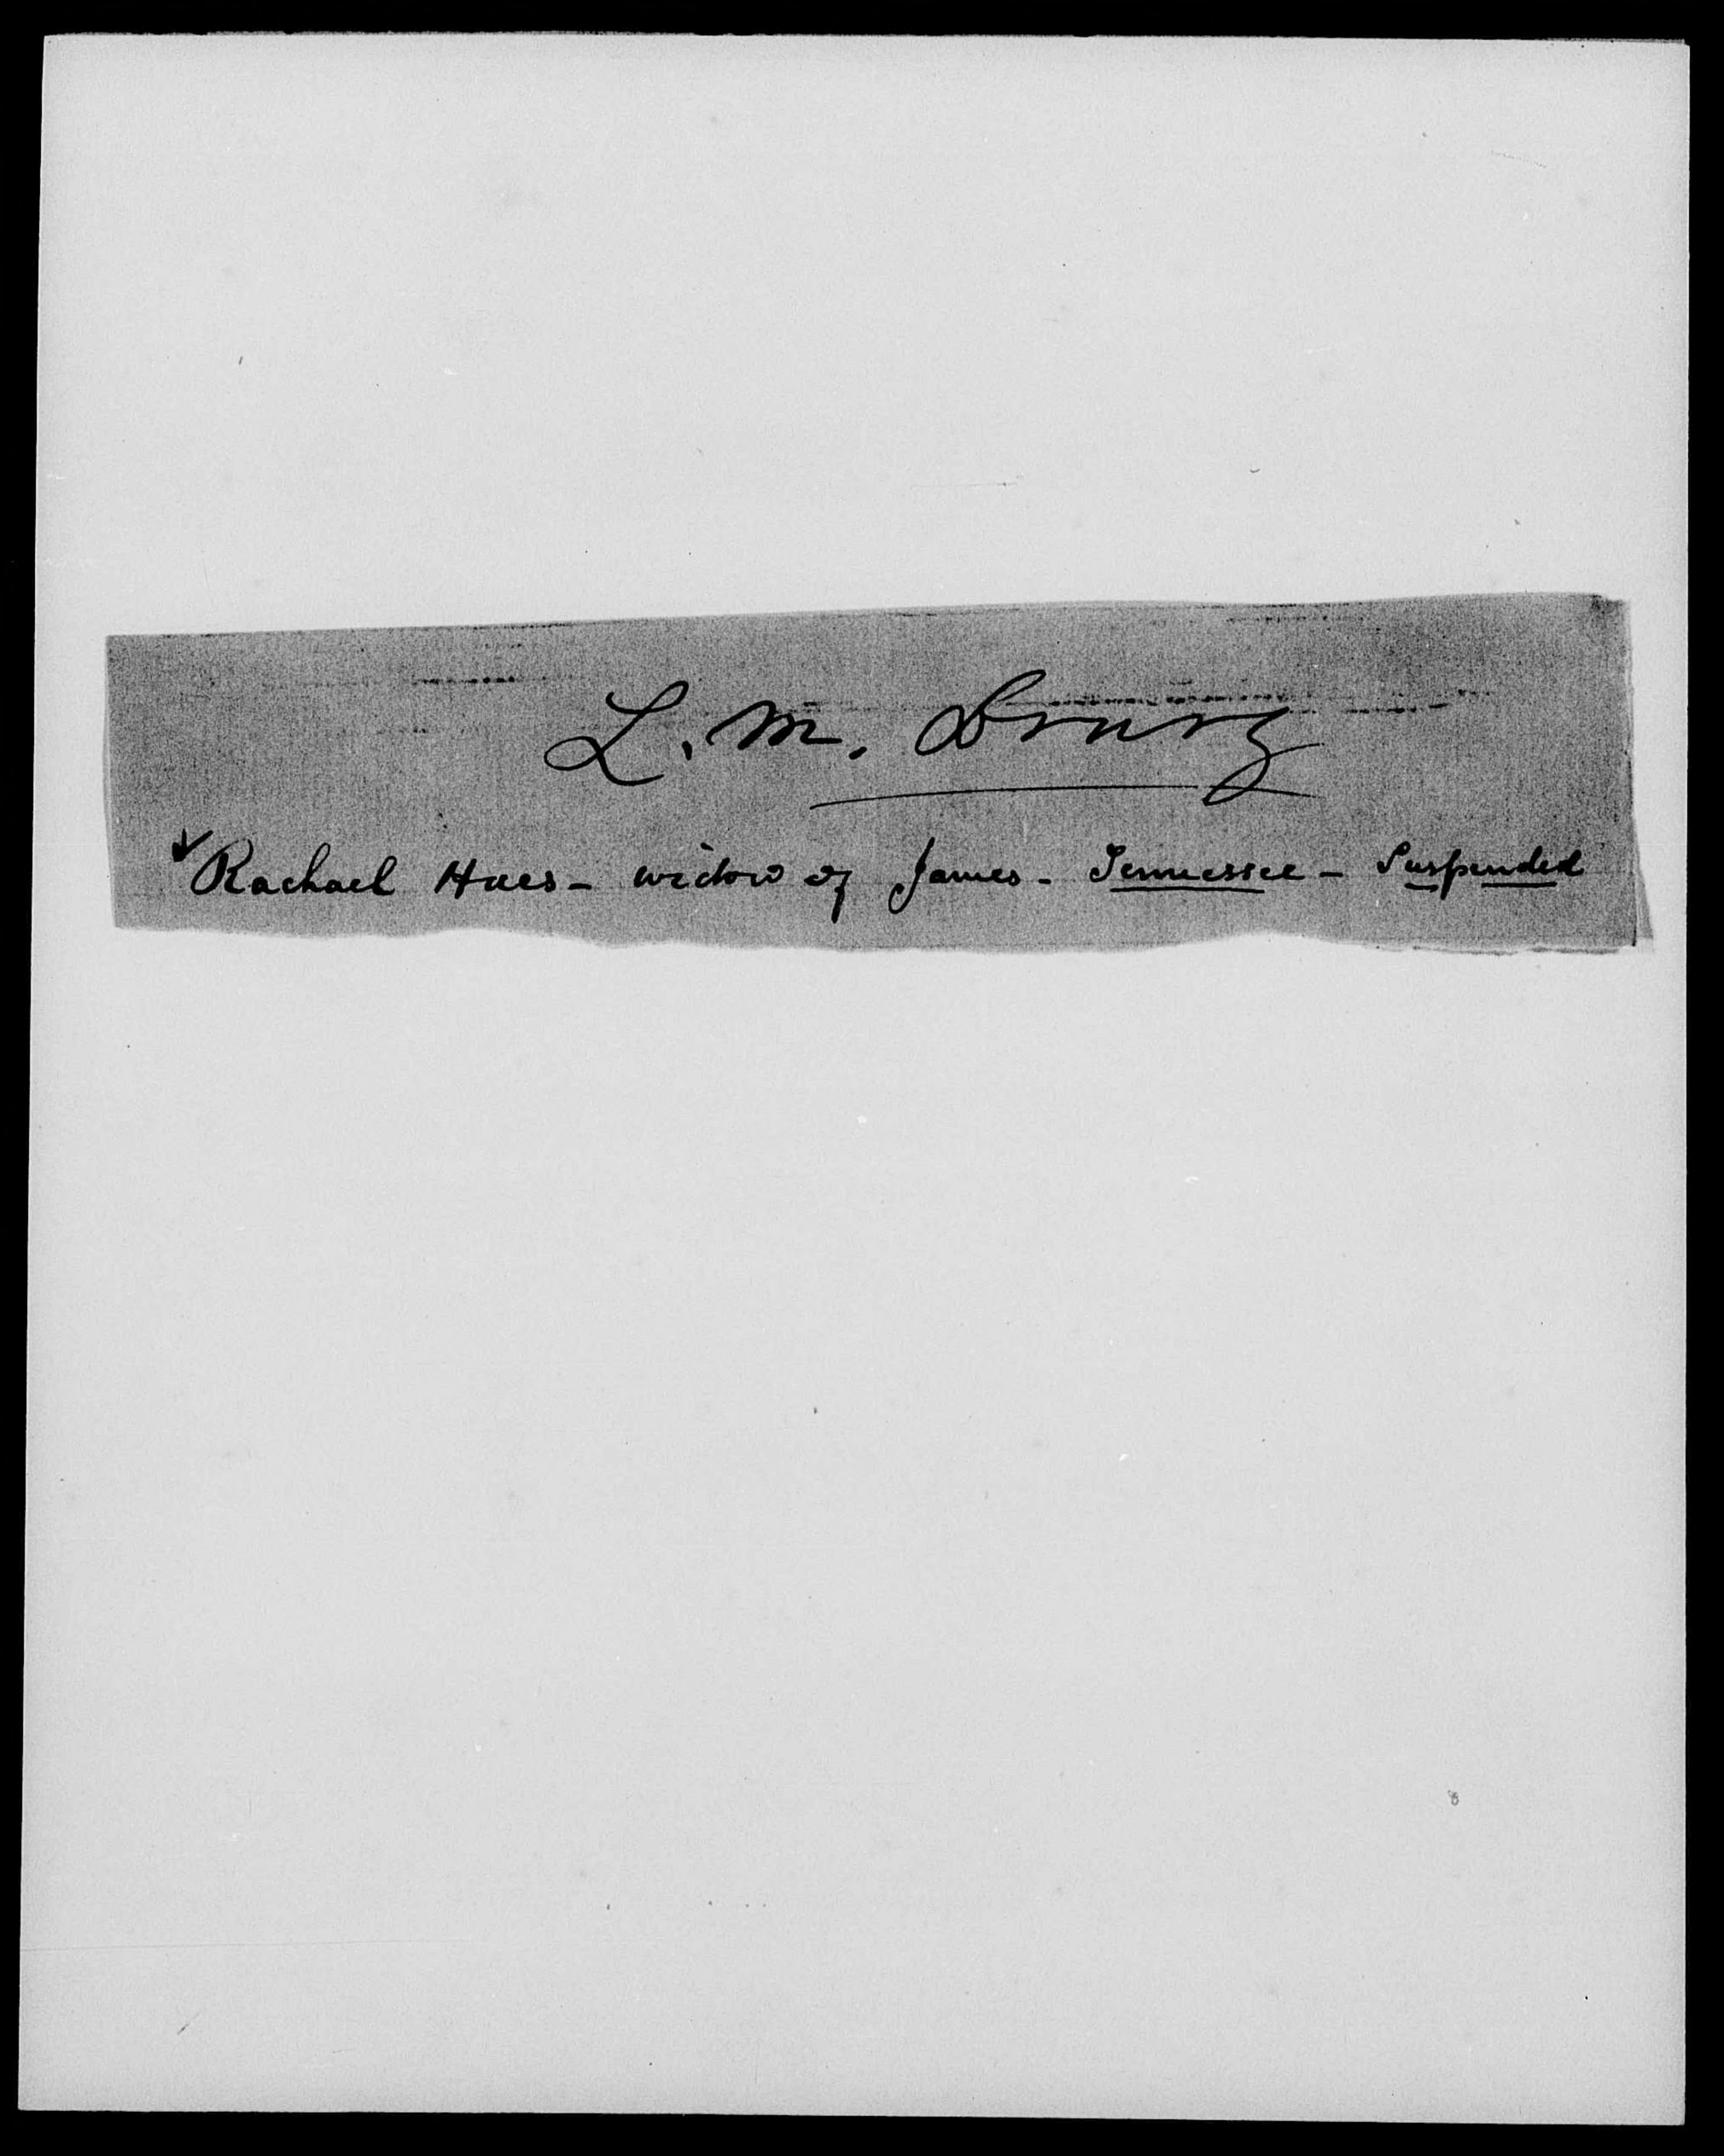L.M Drury

Rachael Hues - widow of James - Tennessee - suspended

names: Rachael Hues, L M Drury, James Hues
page: 23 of 24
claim: rejected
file: R. 5342, James Hues, N.C.